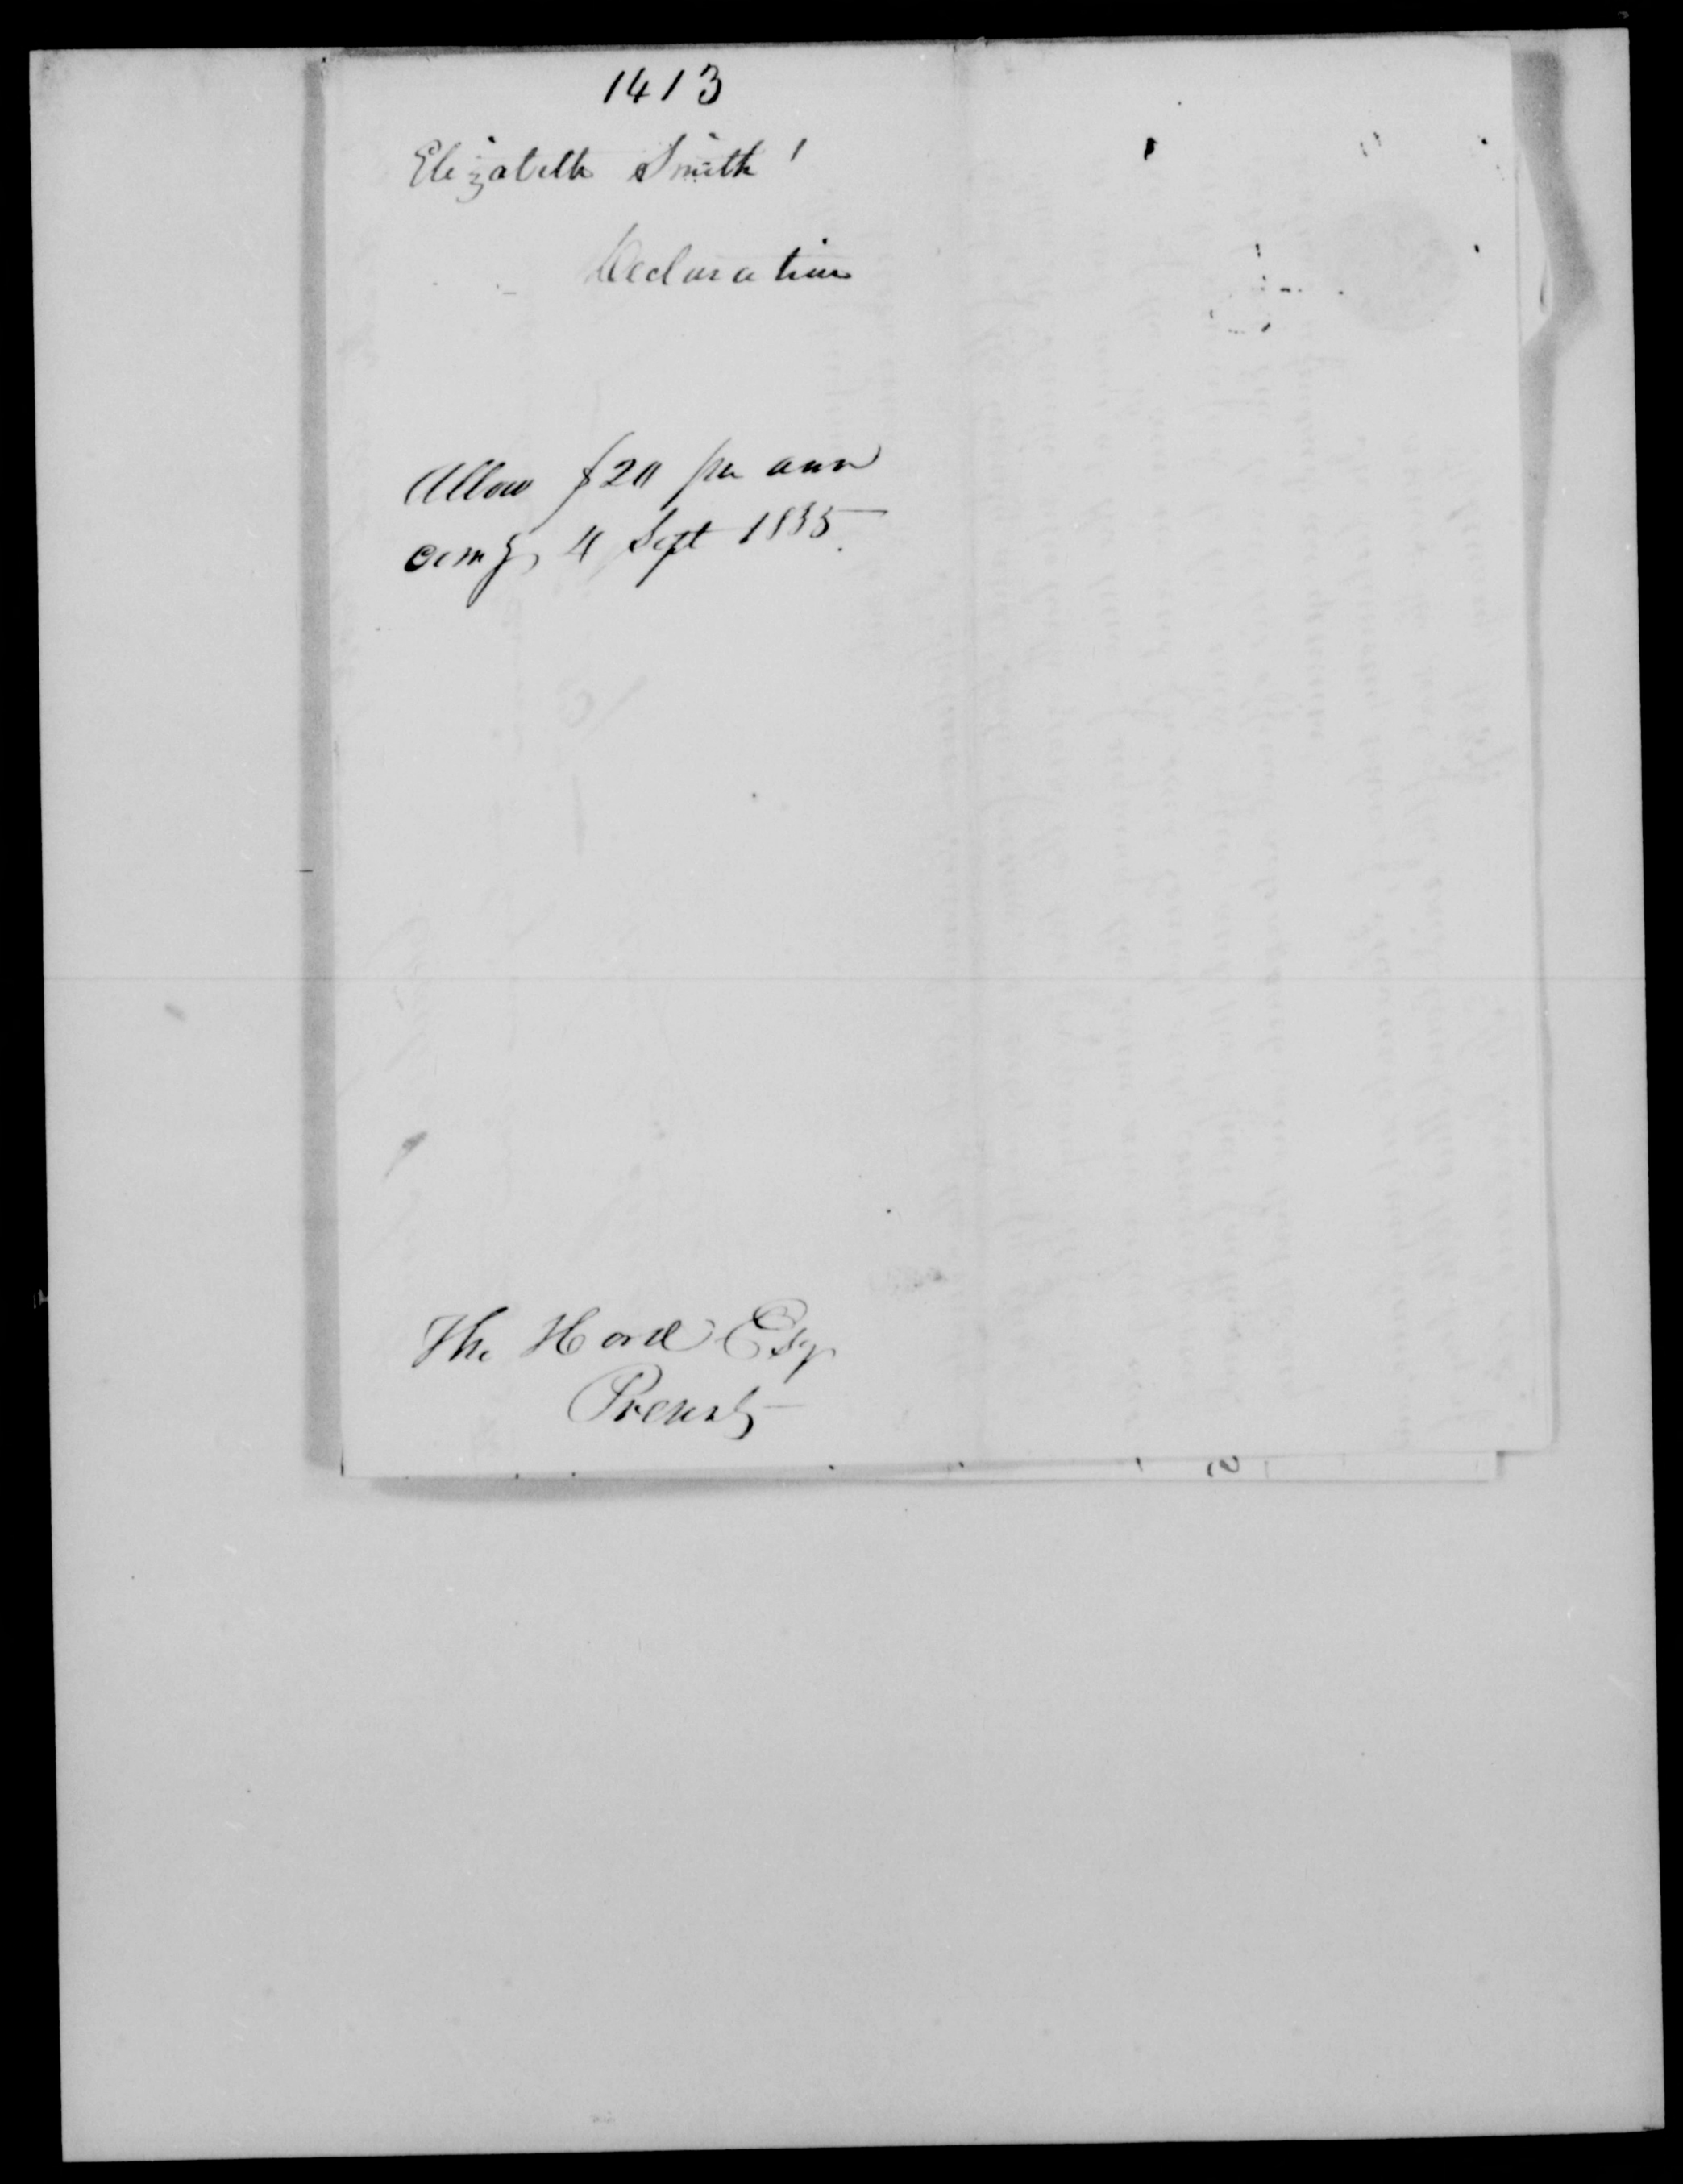1413
Elizabeth Smith
Declaration

Allow $20 per ann
comg 4 Sept 1835.

Tho Hord Esq
Present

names: Elizabeth Smith; Tho Hord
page: 7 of 22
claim: widow's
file: W. 4,806, for William Smith, Virginia